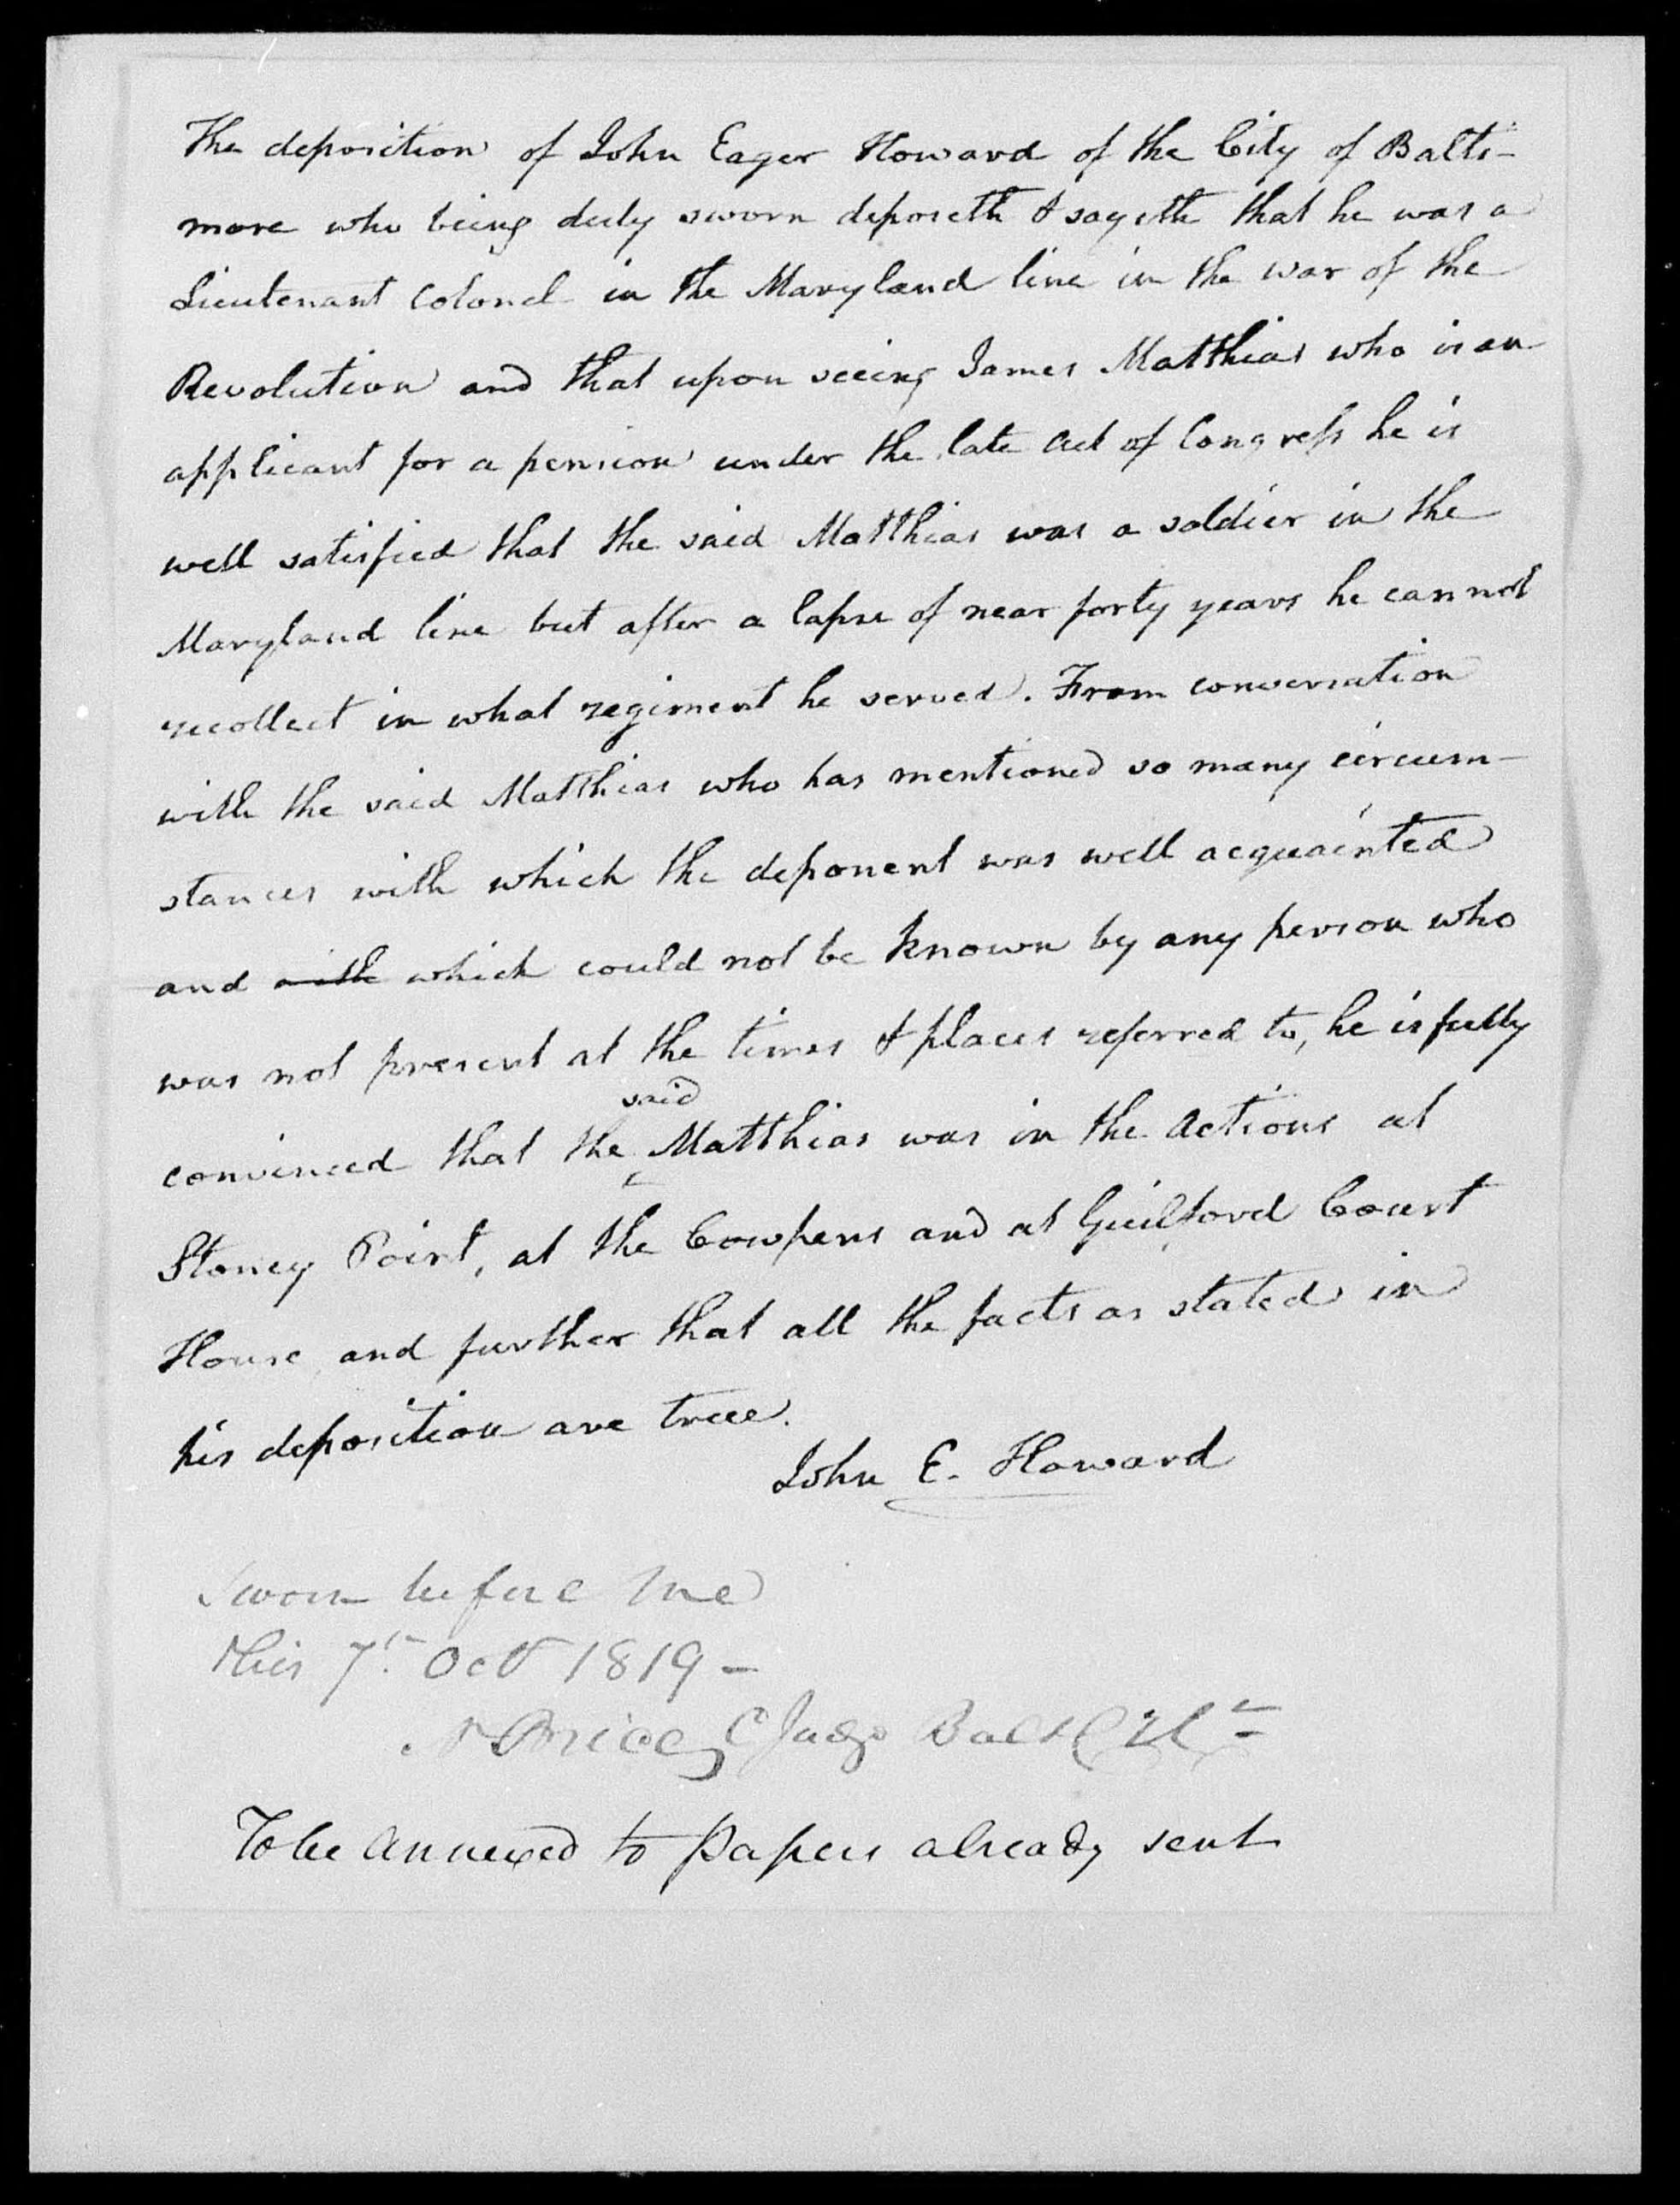The deposition of John Eager Howard of the City of Baltimore who being duly sworn deposeth & sayeth that he was a
Lieutenant Colonel in the Maryland line in the war of the 
Revolution and that upon seeing James Matthias who is
applicant for a pension under the late act of Congress he is
well satisfied that the said Matthias was a soldier in the
Maryland line but after a lapse of near forty years he cannot
recollect in what regiment he served. From conversation
with the said Matthias who has mentioned so many circumstances with which the deponent was well acquainted
and with which could not be known by any person who was not present at the times & places referred to, he is fully convinced that the Matthias was in the action at Stoney Point, at the Cowpens and at Guilford Court House and further that all the facts as stated in his deposition are true.

John E. Howard

Sworn before me
this 7th Oct 1819-
Brice Judge Balti. Ct
be annexed to papers already sent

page: 15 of 20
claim: survivor's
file: S. 40,119, for James Mathias, Maryland